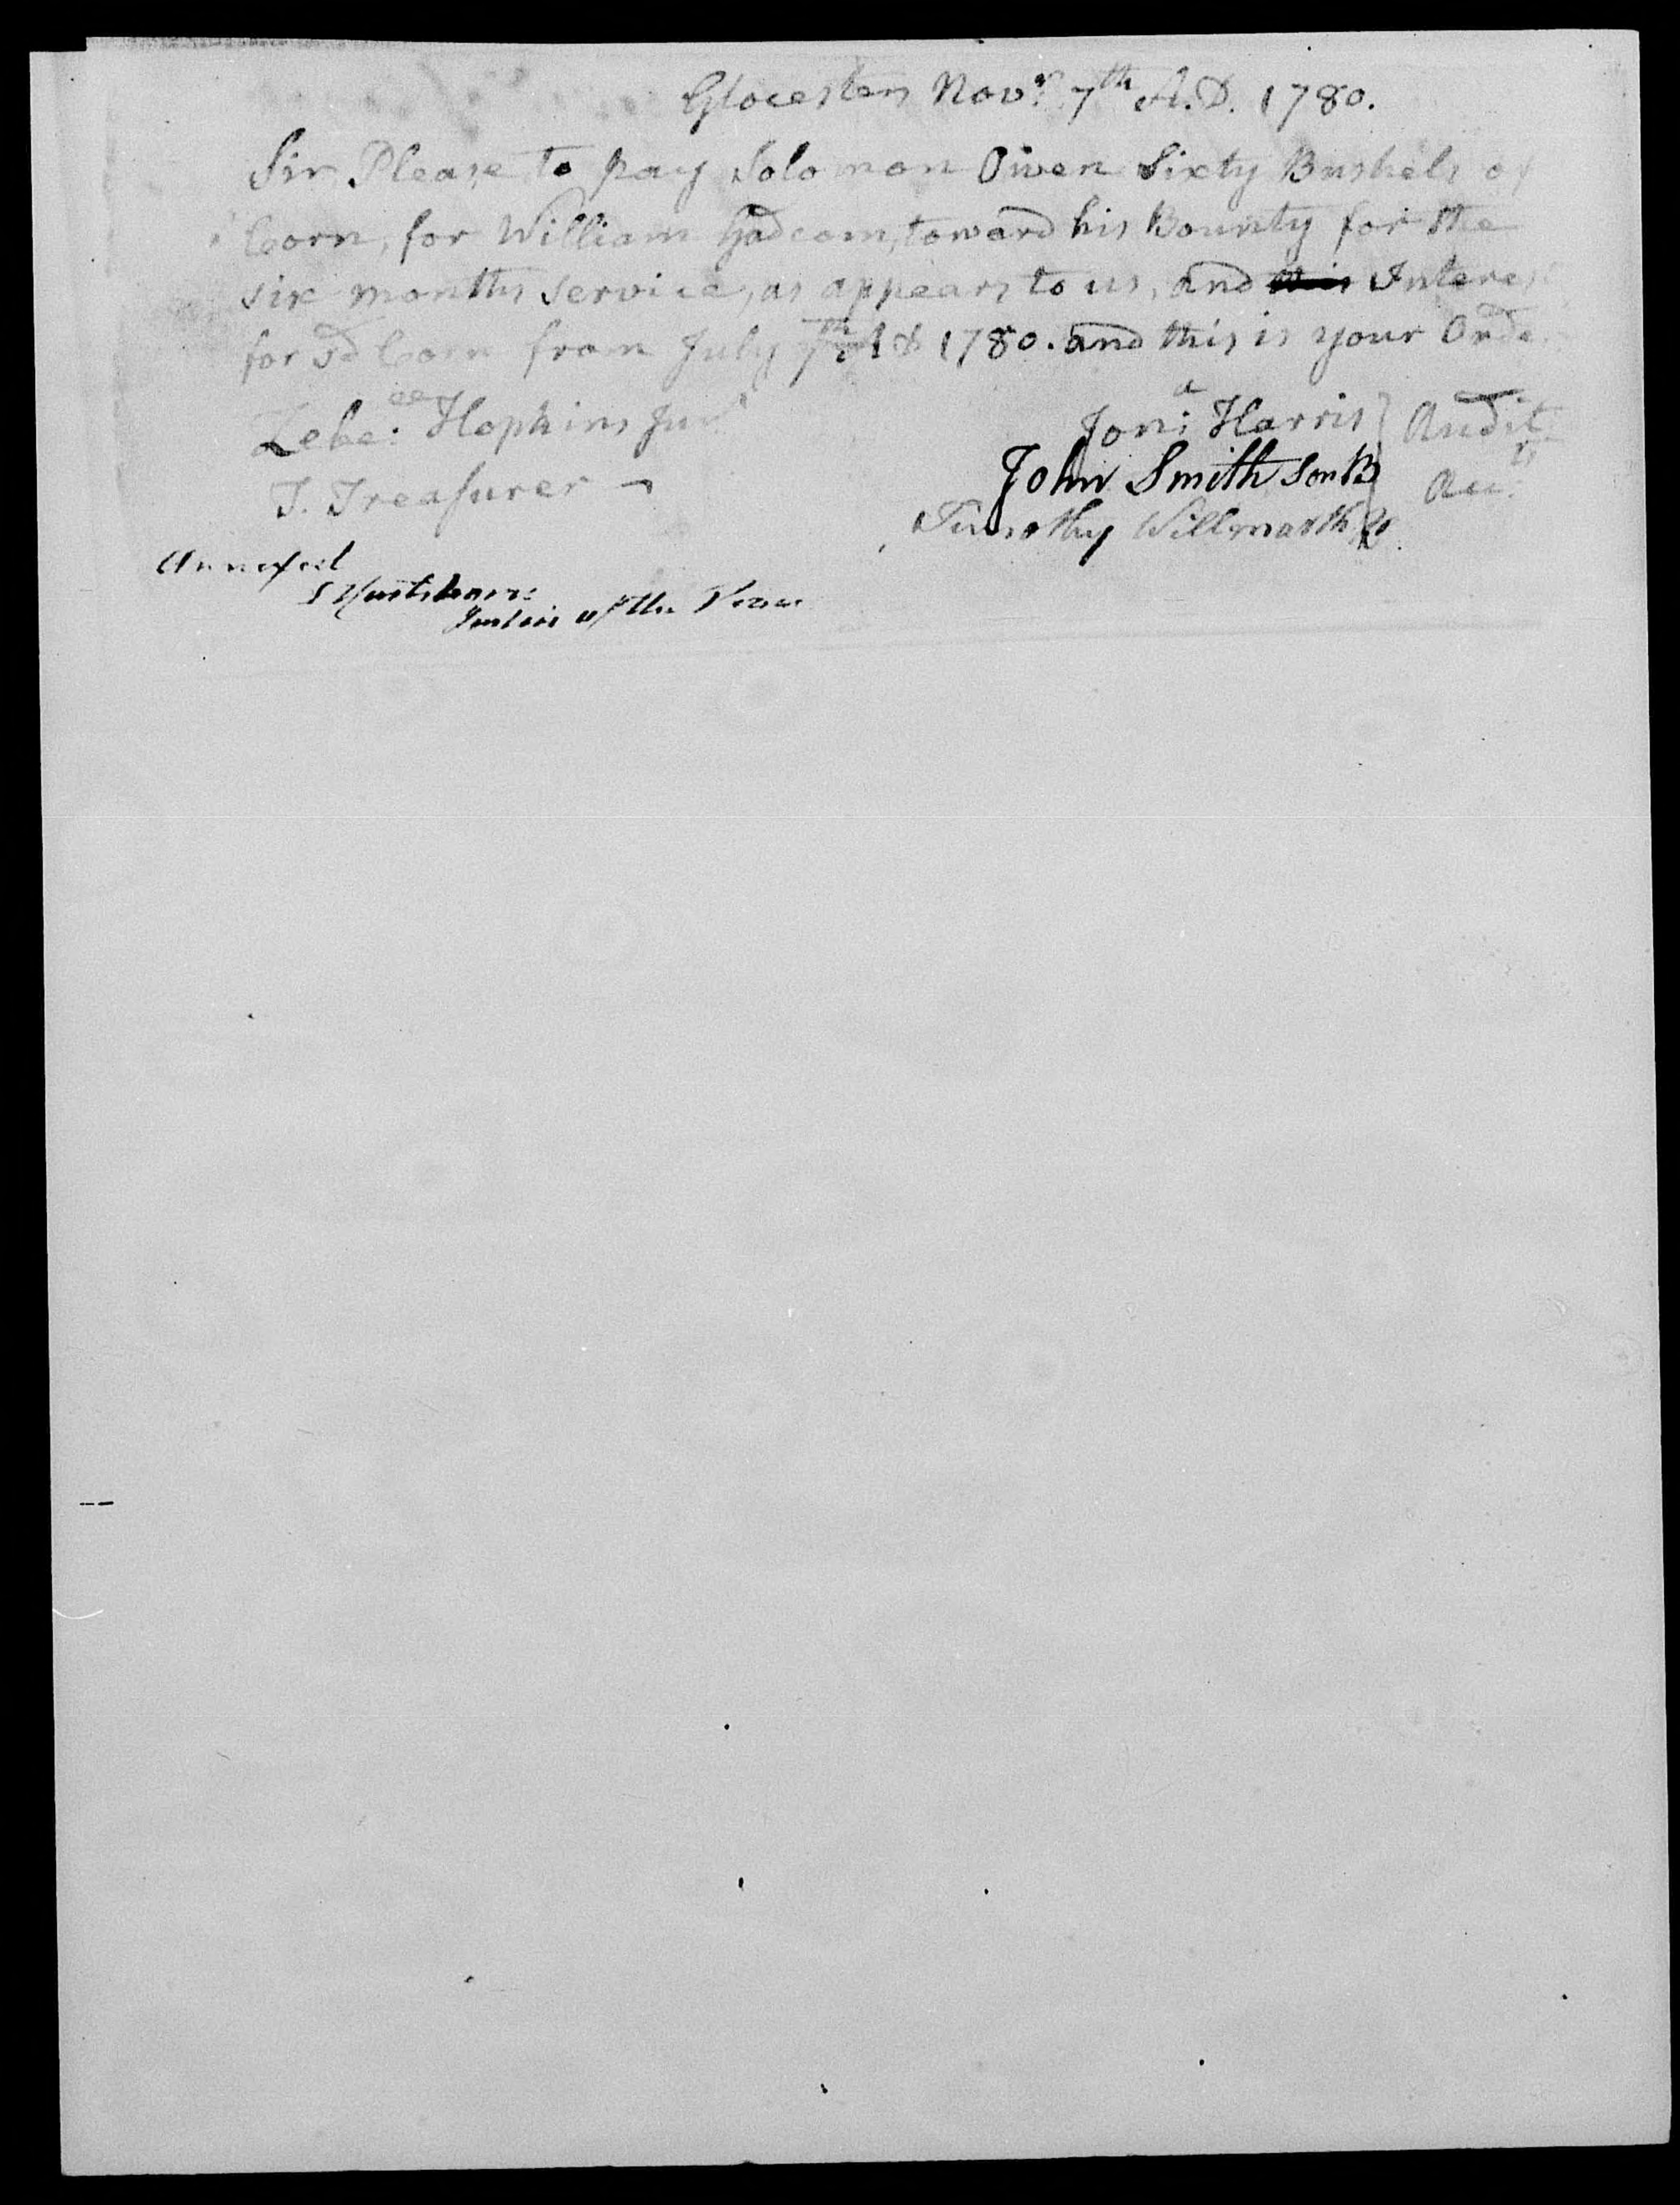Glocester Novr 7th A. D. 1780
Sir Please to pay Solomon Owen Sixty Bushels of
Corn for William Gadcom, toward his Bounty for the
six months service, as appears to us, and this Interest
for 3d corn from July 1 A. D. 1780 and this is your order.
Zebedee Hopkins Jr.
T. Treasurer
Jonas Harris
John Smith Son B
Timothy Willmarth} Auditors to Acc.
Annexed
S Hartshorne
Justice of the Peace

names: Timothy Willmarth, Jona Harris, Zebe Hopkins, William Gadcom, T Treasurer, John Smith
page: 20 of 76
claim: widow's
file: W. 15,517, William Gadcomb, R.I.